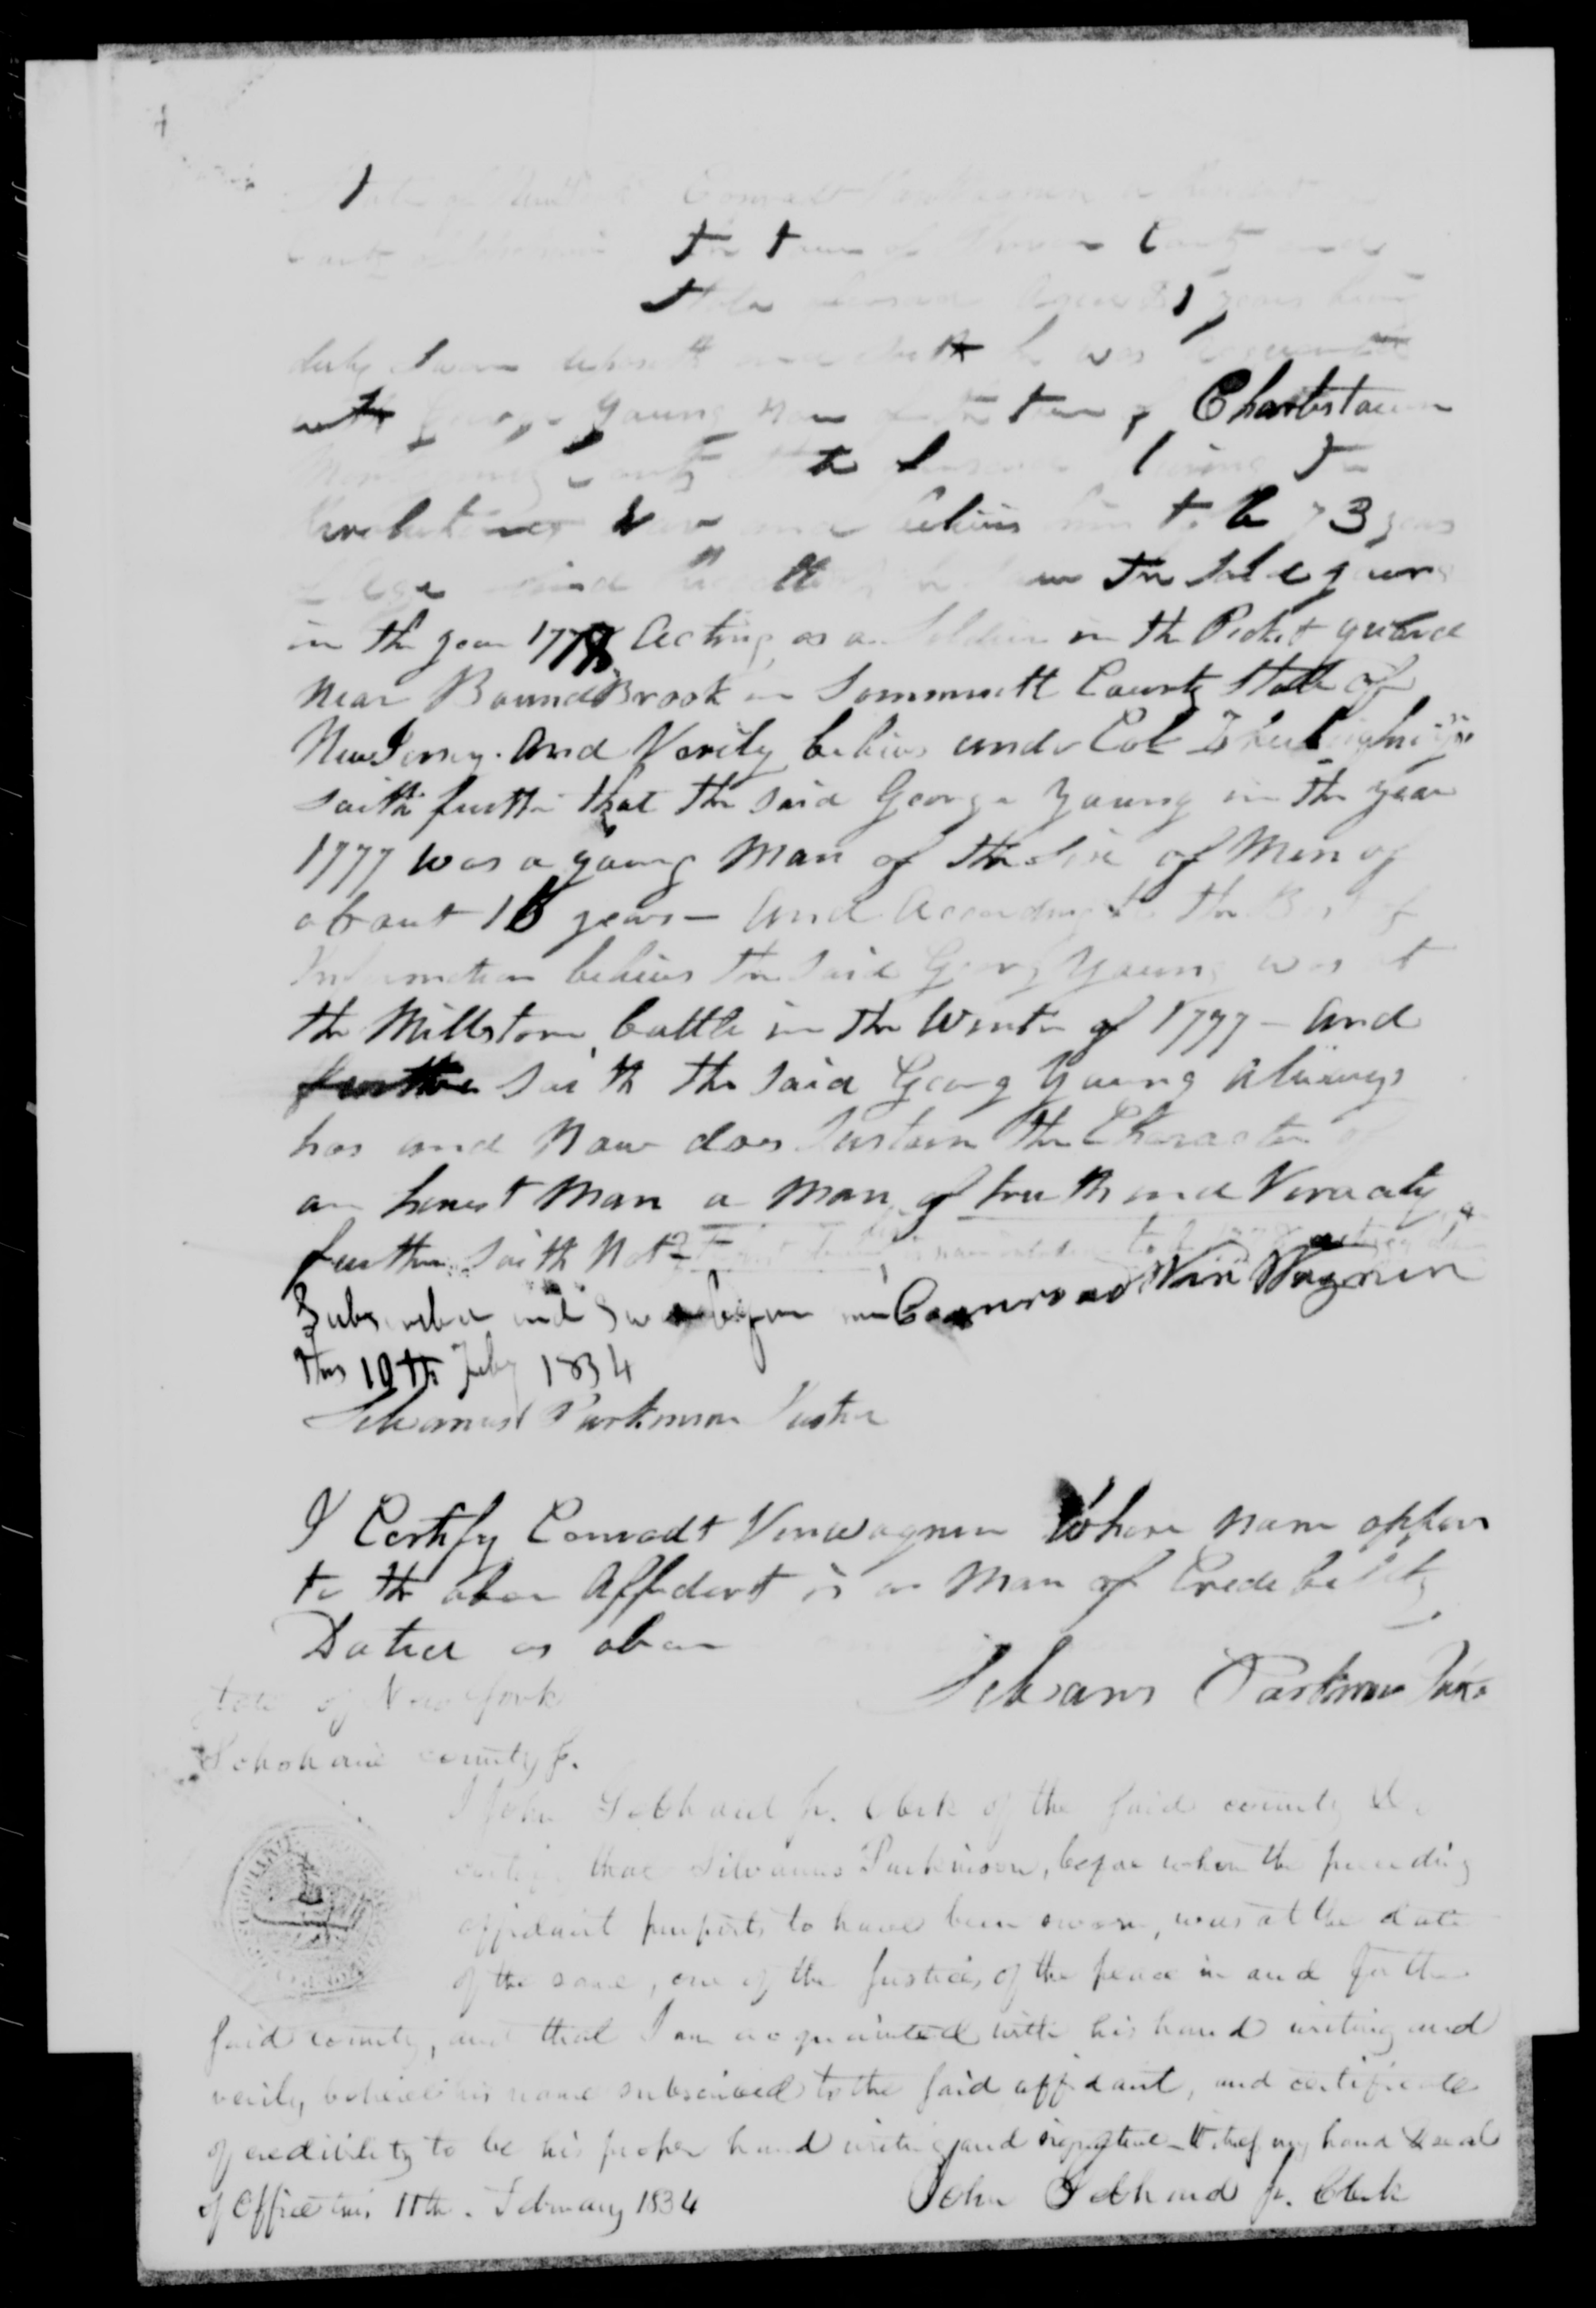[six lines of illegible and/or light ink]
in the year 1779 Acting as an held on the picket guard
near Bound Brook - Somerset County State of
New Jersey and verily believe, and Col The
saith furth that the said George Young in the year
1777 was a young man of those of Min of
about 16 years and North
On motion be heirs the said Ger Youn was
the Millstone, battle in the winter of 1777- and
the saith the said George Young along
has and now do sustain the Character
an honest man a man of truth and Verty
and in the
the 19th Feby 1834
Schanes Parkinson Just
I Certify Conradt Van Wagner Where name appointed
to the born Affidant is a man of credibility
Dated as above
---
State of New York
Abraham Parkman
Schohari County ⎬
John
Tabbath, Clerk of the said county I
that Silas Parkinson, before when the preceding
affidavit purports to have been sworn, was at the date
of the same, one of the Justice of the peace in and for the
said County, and that I am acquainted with his hand writing and
verily believe his name subscribed to the said affidavit, and certificate
of credibility to be his proper hand writ and intent and ┃
of Office the 16th. February 1834
John Gothind Jr. Clerk
3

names: John Gebhard, Conradt Van Wagner, George Young, Bannet Brook, Schmid Parkinson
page: 8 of 67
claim: widow's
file: W. 7379, George Young, New Jersey